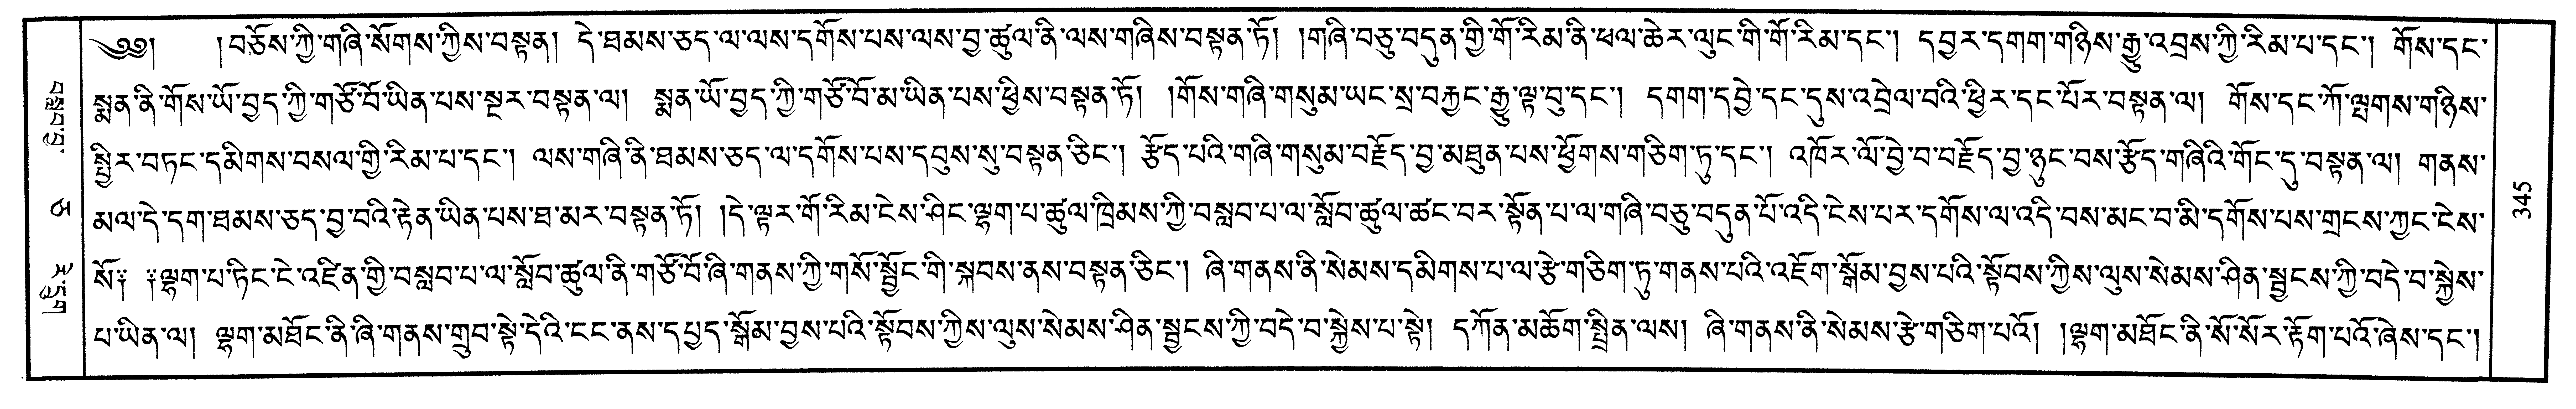༄༅། །བཅོས་ཀྱི་གཞི་སོགས་ཀྱིས་བསྟན། དེ་ཐམས་ཅད་ལས་དགོས་པས་ལས་བྱ་ཚུལ་ནི་ལས་གཞིས་བསྟན་ཏོ། །གཞི་བཅུ་བདུན་གྱི་གོ་རིམ་ནི་ཕལ་ཆེར་ལུང་གི་གོ་རིམ་དང་། དབྱར་དགག་གཉིས་རྒྱུ་འབྲས་ཀྱི་རིམ་པ་དང་། གོས་དང་
སྨན་ནི་གོས་ཡོ་བྱད་ཀྱི་གཙོ་བོ་ཡིན་པས་སྔར་བསྟན་ལ། སྨན་ཡོ་བྱད་ཀྱི་གཙོ་བོ་མ་ཡིན་པས་ཕྱིས་བསྟན་ཏོ། །གོས་གཞི་གསུམ་ཡང་སྲ་བརྐྱང་རྒྱུ་ལྟ་བུ་དང་། དགག་བྱེད་དང་དུས་འབྲེལ་བའི་ཕྱིར་དང་པོར་བསྟན་ལ། གོས་དང་ཀོ་ལྤགས་གཉིས་
སྤྱིར་བཏང་དམིགས་བསལ་གྱི་རིམ་པ་དང་། ལས་གཞི་ནི་ཐམས་ཅད་ལ་དགོས་པས་དབུས་སུ་བསྟན་ཅིང་། རྩོད་པའི་གཞི་གསུམ་བརྗོད་བྱ་མཐུན་པས་ཕྱོགས་གཅིག་ཏུ་དང་། འཁོར་ལོ་བྱེ་བ་བརྗོད་བྱ་ཉུང་བས་རྩོད་གཞིའི་གོང་དུ་བསྟན་ལ། གནས་
མལ་དེ་དག་ཐམས་ཅད་བྱ་བའི་རྟེན་ཡིན་པས་ཐ་མར་བསྟན་ཏོ། །དེ་ལྟར་གོ་རིམ་ངེས་ཤིང་ལྷག་པ་ཚུལ་ཁྲིམས་ཀྱི་བསླབ་པ་ལ་སློབ་ཚུལ་ཚང་བར་སྟོན་པ་ལ་གཞི་བཅུ་བདུན་པོ་འདི་ངེས་པར་དགོས་ལ་འདི་བས་མང་བ་མི་དགོས་པས་གྲངས་ཀྱང་ངེས་
སོ། །ལྷག་པ་ཏིང་ངེ་འཛིན་གྱི་བསླབ་པ་ལ་སློབ་ཚུལ་ནི་གཙོ་བོ་ཞི་གནས་ཀྱི་གསོ་སྦྱོང་གི་སྐབས་ནས་བསྟན་ཅིང་། ཞི་གནས་ནི་སེམས་དམིགས་པ་ལ་རྩེ་གཅིག་ཏུ་གནས་པའི་འཇོག་སྒོམ་བྱས་པའི་སྟོབས་ཀྱིས་ལུས་སེམས་ཤིན་སྦྱངས་ཀྱི་བདེ་བ་སྐྱེས་
པ་ཡིན་ལ། ལྷག་མཐོང་ནི་ཞི་གནས་གྲུབ་སྟེ་དེའི་ངང་ནས་དཔྱད་སྒོམ་བྱས་པའི་སྟོབས་ཀྱིས་ལུས་སེམས་ཤིང་སྦྱངས་ཀྱི་བདེ་བ་སྐྱེས་པ་སྟེ། དཀོན་མཆོག་སྤྲིན་ལས། ཞི་གནས་ནི་སེམས་རྩེ་གཅིག་པའོ། །ལྷག་མཐོང་ནི་སོ་སོར་རྟོགས་པའོ་ཞེས་དང་།